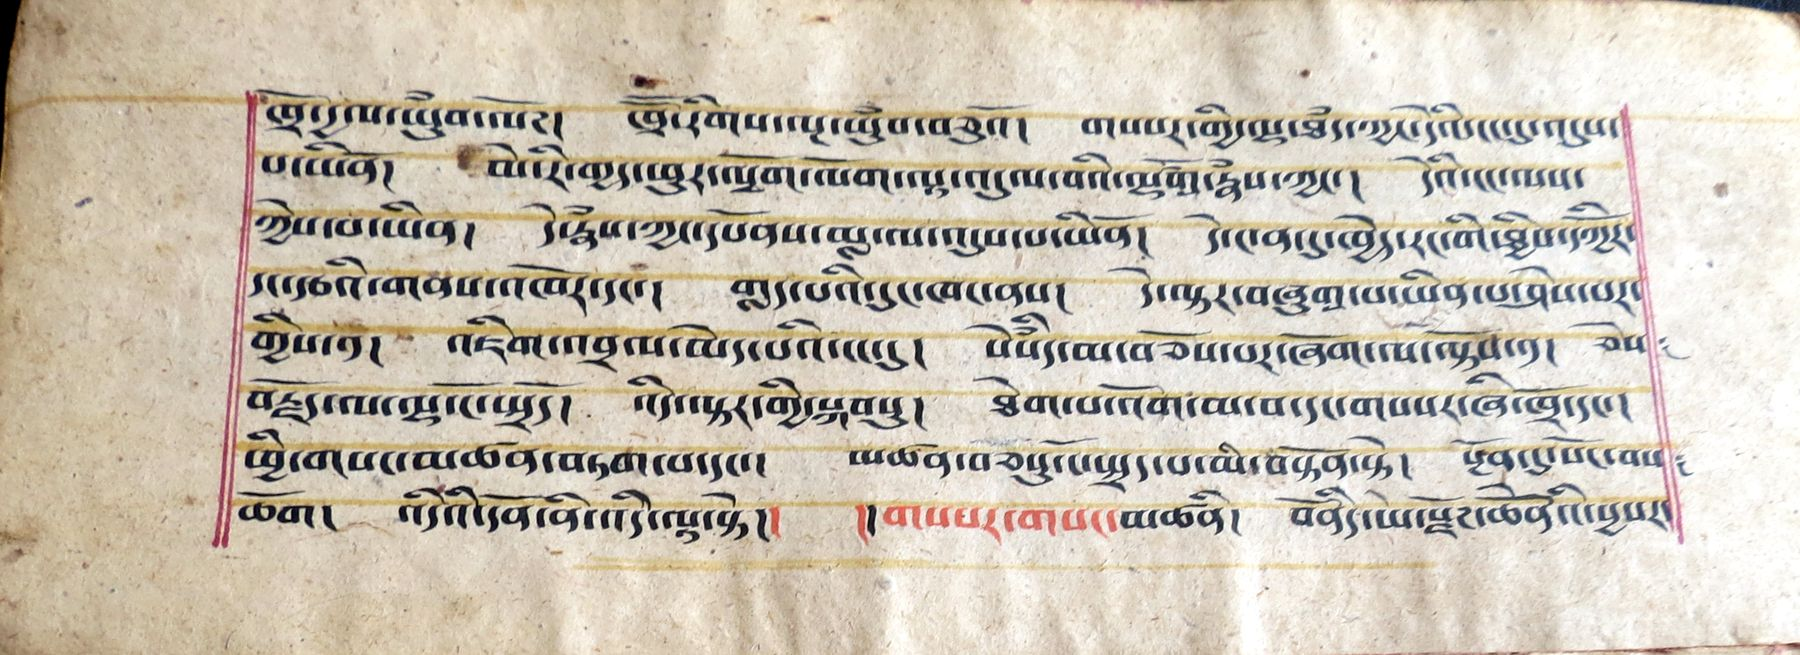ཁྲོ་རྒྱལ་མཁའ་འགྱིང་ཡབ་ཡུམ་ལས་སོགས། ཁྲོ་བོ་རིགས་ལྔ་ཡབ་ཡུམ་བཅུའོ། ། གསས་མཁར་གྱི་ལྷ་ཐམས་ཅད་ཀྱང་དེའི་ངང་ལས་འདུས་
པ་ཡིན་ནོ། ། མེ་རི་གྱད་ཕུར་ལས་སོགས་ལོག་རྟོག་འདུལ་བའི་ལྷ་ཚོགས་རྣམས་ཀྱང་། དེའི་ངང་ལས་
གྱེས་པ་ཡིན་ནོ། ། དེ་རྣམས་ཀྱང་དཔོན་གསས་བླ་མར་འདུས་པ་ཡིན་ནོ། ། དེ་བཞིན་དུ་ཁྱེད་རང་གི་ཐུགས་ཀྱི་དཀྱིལ་འཁོར་
དང་། རྩ་བའི་གནས་འཁོར་དང་། ཀླད་པ་དུང་ཁང་ནང་ནས་དེ་ལྟར་བཞུགས་པ་ཡིན་པས་ཤེས་པར་
གྱིས་ཤིག འཇིག་འབྲལ་མེད་པའི་ངང་དུ། སེམས་ཉིད་མ་བཅོས་པར་ཞོག་ལ་ལྟོས་ཤིག། ། ཅེས་
བརྗོད་ལྷ་ངོ་བསྟན་ནོ། ། འདིའི་ལུགས་ཀྱི་སྐབས་སུ། ཐེག་པ་འོག་མ་བ་དང་། གསས་མཁར་ཞི་ཁྲོ་དང་། 
ཕྱིའི་གསང་མཚན་གདགས་པ་དང་། མཚན་བཅས་ཀྱི་ལྷ་ངོ་བསྟན་པར་མི་དགོས་ཏེ། སྔོན་དུ་སོང་བས་
ཆོག། འདིའི་དོན་ནི་འདི་ལྟར་ཏེ། གསས་མཁར་གསང་མཚན་ནི། བོན་ཉིད་ཡེ་རྫོགས་ཆེན་པོའི་གསས་མཁར་